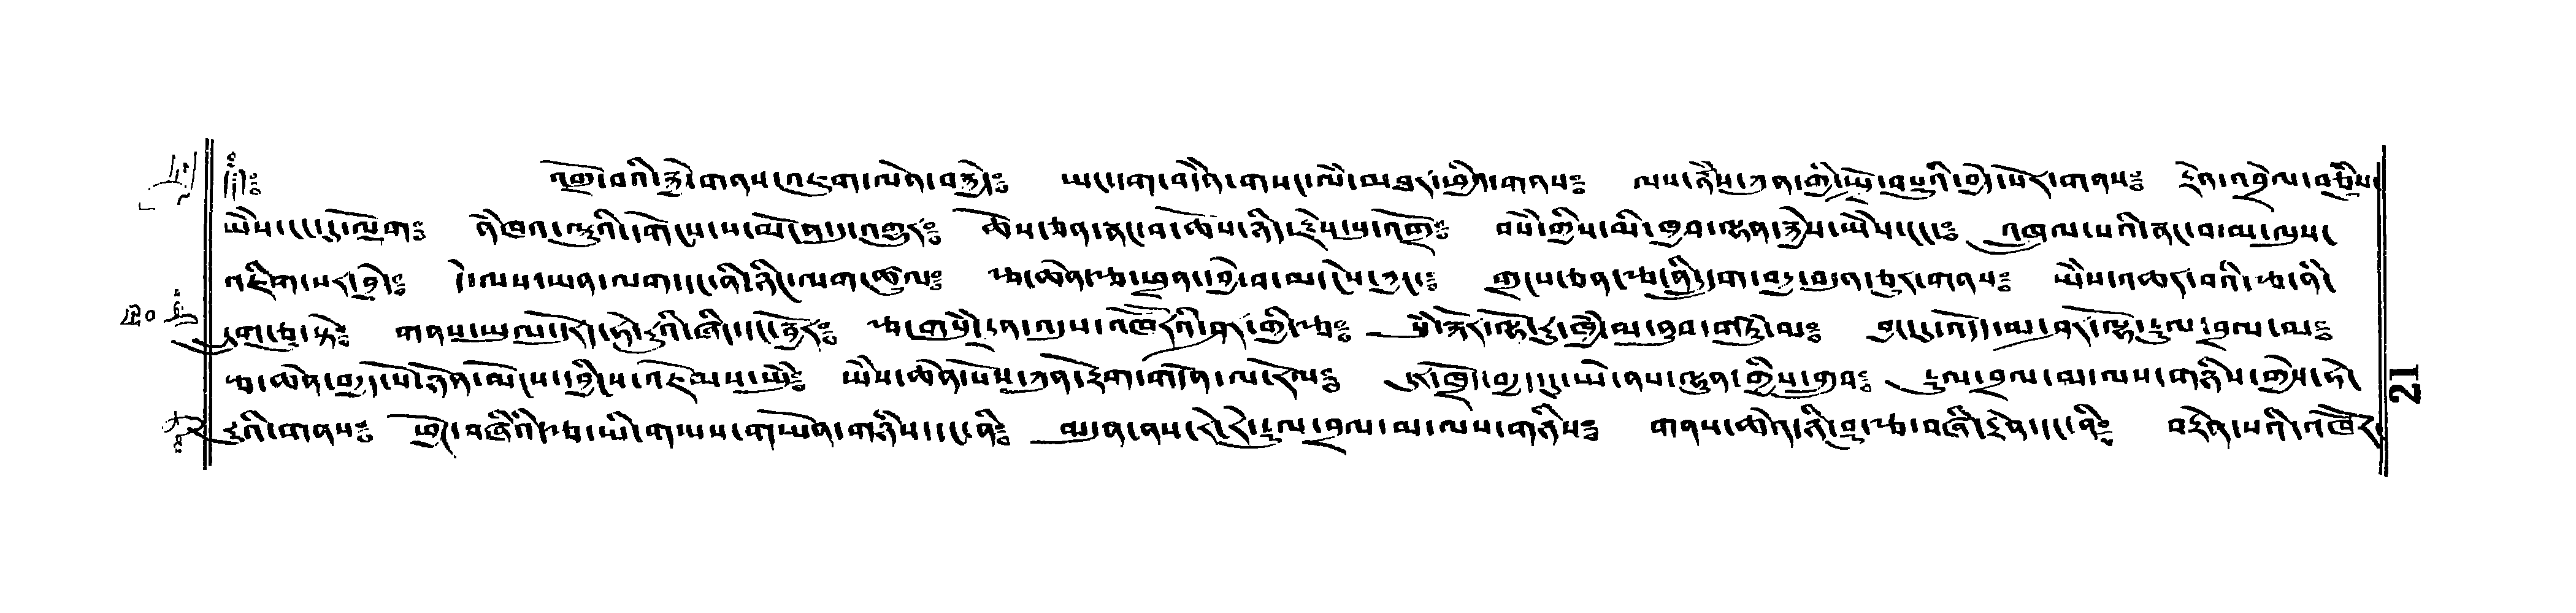འགྲོ་བའི་སྐྱེ་གནས་འཇུག་ལེན་བསྐྱེད༔ ཡང་དག་བདེ་ཆེན་གསང་ལམ་མཐར་ཕྱིན་གནས༔ ལས་རྣམས་ཀུན་གྱི་སྤྲོ་བསྡུའི་བྱེད་པོར་གནས༔ རྟེན་འབྲེལ་བཅུ་གཉིས་
ཡེ་ཤེས་ངང་དུ་ལྡོག༔ ནམ་མཁའ་ལྟ་བུའི་དགོངས་པ་མངོན་དུ་འགྱུར༔ ཆོས་ཅན་སྣང་བ་ཆོས་ཉིད་རྗེས་སུ་འགྲོ༔ བསམ་གྱིས་མི་ཁྱབ་ལྷན་སྐྱེས་ཡེ་ཤེས་ངང༔ འཁྲུལ་པའི་སྣང་བ་མ་ལུས་
འཇིག་པར་བྱེད༔ དེ་ལས་ཡན་ལག་དང་ནི་ཉིང་ལག་ཚུལ༔ རྩ་ཆེན་རྩ་ཕྲན་དབྱེ་བ་མ་ངེས་ཀྱང༔ གྲངས་ཅན་རྩ་ནི་དྲུག་བརྒྱ་བདུན་ཅུར་གནས༔ ཡེ་ཤེས་འཆར་བའི་རྩ་ནི་
དྲུག་ཅུ་སྟེ༔ གནས་ཡུལ་དུར་ཁྲོད་ཧེ་རུའི་ཞིང་དང་སྦྱོར༔ རྩ་གསུམ་དྲན་འདུས་འཁོར་ལོའི་ཤར་གྱི་རྩ༔ སུམ་སྐོར་ལྷོ་རུ་ཁྱམ་མ་ནུབ་གཏུམ་མ༔བྱང་དུ་འདོད་མ་ཤར་ལྷོ་རྡུལ་བྲལ་མ༔ 
རྩ་ཆེན་བརྒྱད་པོ་ཉོན་མོངས་དབྱིངས་འཇོམས་ཡུམ༔ ཡེ་ཤེས་ཆེན་པོས་ཀུན་རྟོག་གདོན་ལ་རོལ༔ དུད་ཁྲོད་བརྒྱད་དུ་ཡེ་ནས་ལྷུན་གྱིས་གྲུབ༔ རྡུལ་བྲལ་མ་ལས་གཉིས་གྱེས་ཧེ་
རུའི་གནས༔ ཕྱོགས་བཞིའི་རྩ་ཡི་གཡས་གཡོན་གཉིས་དང་ནི༔ མདུན་ནས་རེ་རེ་རྡུལ་བྲལ་མ་ལས་གཉིས༔ གནས་ཆེན་ཉི་ཤུ་རྩ་བཞི་རྟེན་དང་ནི༔ བརྟེན་པའི་འཁོར་ལོར་